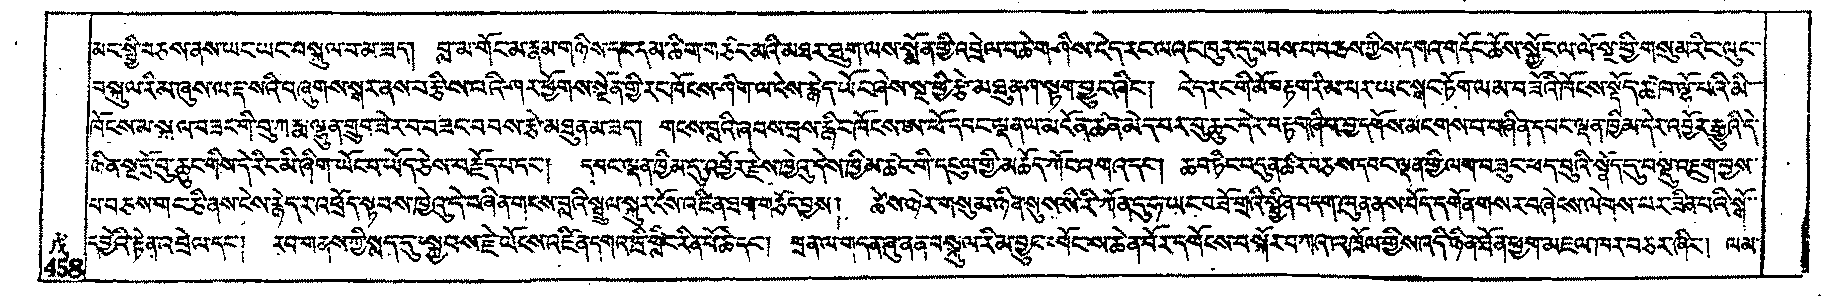མང་སྤྱི་བཅས་ནས་ཡང་ཡང་བསྐུལ་བ་མ་ཟད། བླ་མ་གོང་མ་རྣམ་གཉིས་དང་དམ་ཚིག་གཙང་མའི་མཐར་ཐུག་ལས་སྨོན་གྱི་འབྲེལ་བ་ཆེ་གཤིས་ངེད་རང་ལའང་ཁུར་དུ་བབས་པ་བཅས་ཀྱིས་དགའ་གདོང་ཆོས་སྐྱོང་ལ་ལོ་སྔ་ཕྱི་གསུམ་རིང་ལུང་
བསྐུལ་རིམ་ཞུས་ལ་རྡ་སའི་བཞུགས་སྒར་ནས་བརྩིས་པའི་ཤར་ཕྱོགས་སྔོན་གྱི་རང་ཁོངས་ཤིག་ལ་ངེས་རྙེད་ཡོང་ཞེས་སྔ་ཕྱི་རྩེ་མཐུན་ཤ་སྟག་བྱུང་ཞིང་། ངེད་རང་གི་མོ་བརྟག་རིམ་པར་ཡང་སྒང་ཏོག་ལམ་བཟོའི་ཁོངས་སྡོད་ཚ་ཁ་ལྷོ་པའི་མི་
ཁོངས་མ་སྐལ་བཟང་གི་བུ་ཀརྨ་ལྷུན་གྲུབ་ཟེར་བ་བཟང་བབས་རྩེ་མཐུན་མ་ཟད། གངས་བླའི་ཞབས་གྲས་རྙིང་ཁོངས་ཨ་ཕོ་དབང་ལྡན་ལ་མངོན་ཚན་མེད་པར་བུ་ཆུང་དེར་བརྟག་ཞིབ་བྱ་དགོས་མངགས་པ་བཞིན་དབང་ལྡན་ཁྱིམ་དེར་འབྱོར་རྒྱུའི་དེ་
ཉིན་སྔ་དྲོ་བུ་ཆུང་གིས་དེ་རིང་མི་ཞིག་ཡོང་བ་ཡོད་ཅེས་བརྗོད་པ་དང་། དབང་ལྡན་ཁྱིམ་དུ་འབྱོར་རྗེས་ཁྱེའུ་དེས་ཁྱིམ་ཚང་གི་དངུལ་གྱི་མཆོད་ཀོང་འགའ་དང་། ཆབ་ཏིང་བདུན་ཚར་བཅས་དབང་ལྡན་གྱི་ལག་བཟུང་ཕད་བུའི་སྣོད་དུ་བསྡུ་འཇུག་བྱས་
པ་བཅས་གང་ཅི་ནས་ངེས་རྙེད་ར་འཕྲོད་སྟབས་ཁྱེའུ་དེ་བཞིན་གངས་བླའི་སྤྲུལ་སྐུར་ངོས་འཛིན་ཐག་གཅོད་བྱས། ཚེས་ཉེར་གསུམ་ཉིན་སུས་སི་རི་ཀོན་དུ་ཧ་ཡང་བཟོ་གྲའི་སྦྱིན་བདག་ཁུན་ནས་བོད་དགོན་གསར་བཞེངས་ལེགས་པར་ཟིན་པའི་སྒོ་
དབྱེའི་རྟེན་འབྲེལ་དང་། རབ་གནས་ཀྱི་སླད་དུ་༧སྐྱབས་རྗེ་ཡོངས་འཛིན་དགའ་ཁྲི་གླིང་རིན་པོ་ཆེ་དང་། ཕྲན་ལ་གདན་ཞུ་ནན་བསྐུལ་རིམ་བྱུང་༧གོང་ས་ཆེན་པོར་དགོངས་བསྐོར་བཀའ་འཁྲོལ་གྱིས་འདི་ཉིན་ཐོན་ཕྱག་མཇལ་ཁར་བཅར་ཞིང་། ལམ་